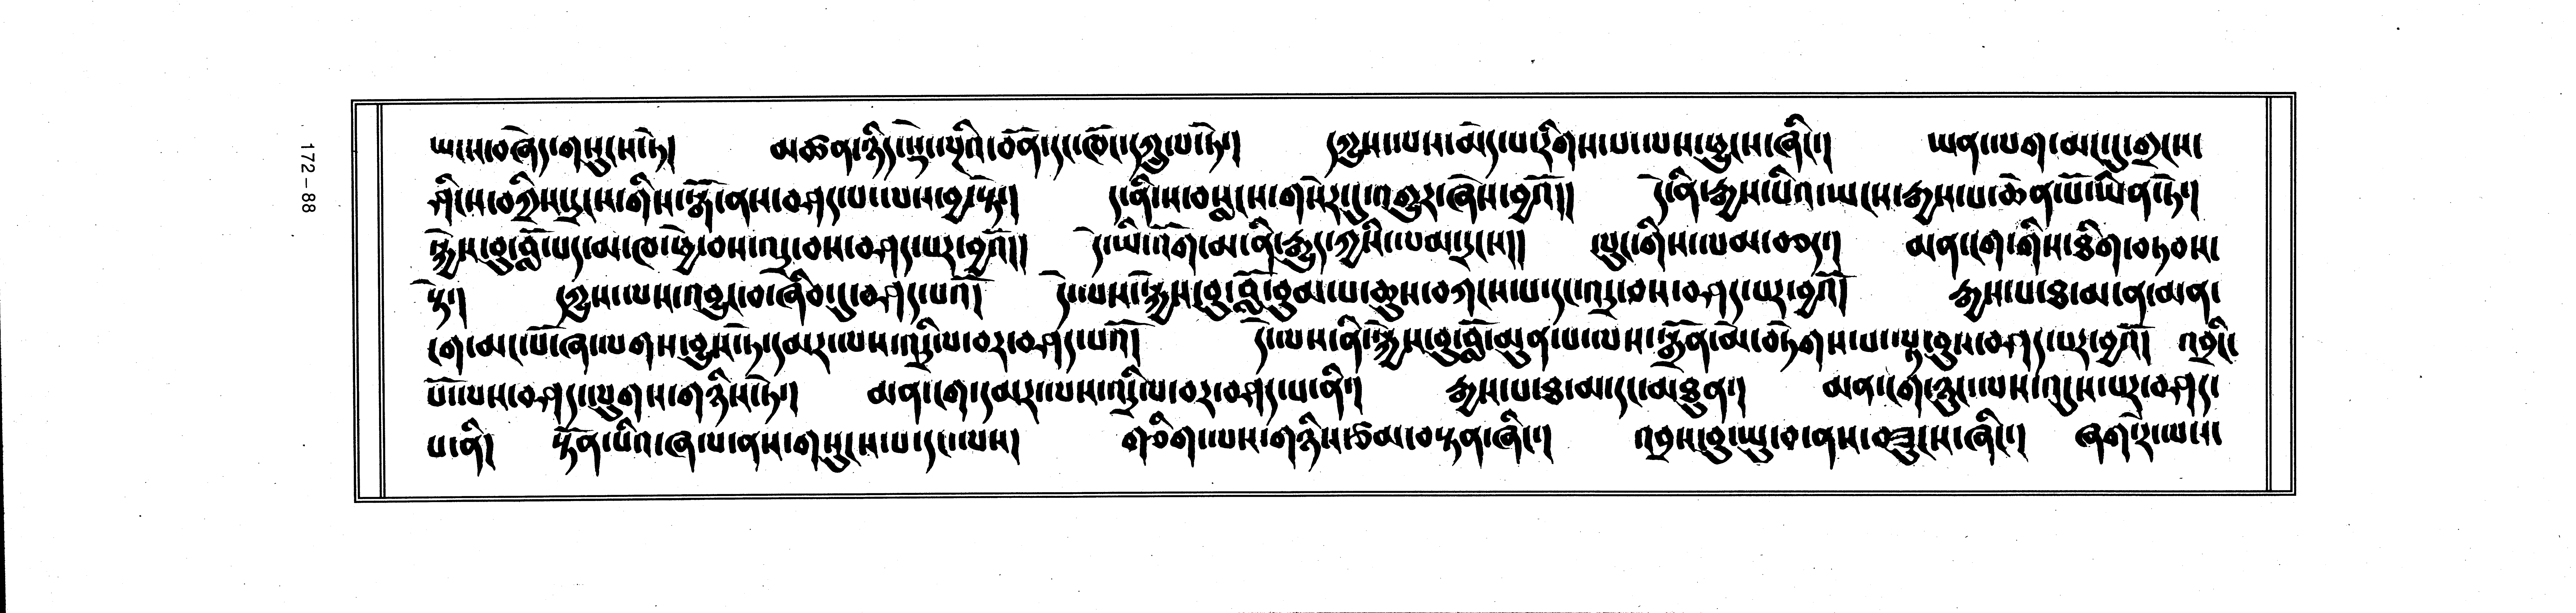ཡང་བཞེད་གསུངས་ཏེ། མཚན་ཉིད་སྡེ་ལྔའི་བོན་དང་ཁོང་དཀྲུལ་ཏེ། དཀྱུས་ལས་མེད་པ་རིགས་པ་ལས་ཕྱུངས་ཞིང་། ཡན་ལག་མང་དུ་གྲངས་
ཤིངས་བཀྲ་ཤིས་དྲངས་གིས་སྒོ་ནས་བཤད་པ་ལས་བྱ་སྟེ། ད་ནི་ས་བསླངས་གསེར་དུ་འགྱུར་ཞེས་བྱའོ། དེ་ནི་རྒྱས་པའི་ཡངས་རྒྱས་པ་ཆེན་པོ་ཡིན་ཏེ། 
སྐྱེས་བུ་བློ་པད་མ་ཁ་ཕྱེ་བས་འདྲ་བས་བཤད་པར་བྱའོ། དེ་ཡི་འོག་མ་ནི་རྒྱུད་ཀྱིས་ལམ་དྲངས། ལུང་གིས་ལམ་བཅད། མན་མག་གིས་ཐིག་བཏབས་
སྟེ། དཀྱུས་ལས་འབྱུང་བ་ཞིབ་དུ་བཤད་པའོ། དེ་ལས་སྐྱེས་བུ་བློ་བུམ་པ་ཆུས་བཀངས་པ་དང་འདྲ་བས་བཤད་པར་བྱའོ། རྒྱས་པ་ཐ་མ་ན་མན་
ངག་མང་པོ་ཞ་ལགས་བྱུས་ཏེ་དམར་ལས་འདྲིལ་བར་བཤད་པའོ། དེ་ལས་ན་སྐྱེས་བུ་བློ་མུན་པ་ལས་སྒྲོན་མེ་བཏེགས་པ་ལྟ་བུས་བཤད་པར་བྱའོ། འབྲིང་
པོ་ལས་བཤད་ལུགས་གཉིས་ཏེ། མན་ངག་དམར་ལས་འདྲིལ་བར་བཤད་པ་ནི། རྒྱས་པ་ཐ་མ་དང་མཐུན། མན་ངག་་ཉུང་ལས་འདུས་པར་བཤད་
པ་ནི། སྟོན་པའི་ཞལ་ནས་གསུངས་པ་དང་། ལས་གཅིག་ལས་གཉིས་ཙམ་བསྟན་ཞིང་། འབྲས་བུ་ཡུ་བ་ནས་བཟུངས་ཞིང་། ཞག་རེ་ལས་